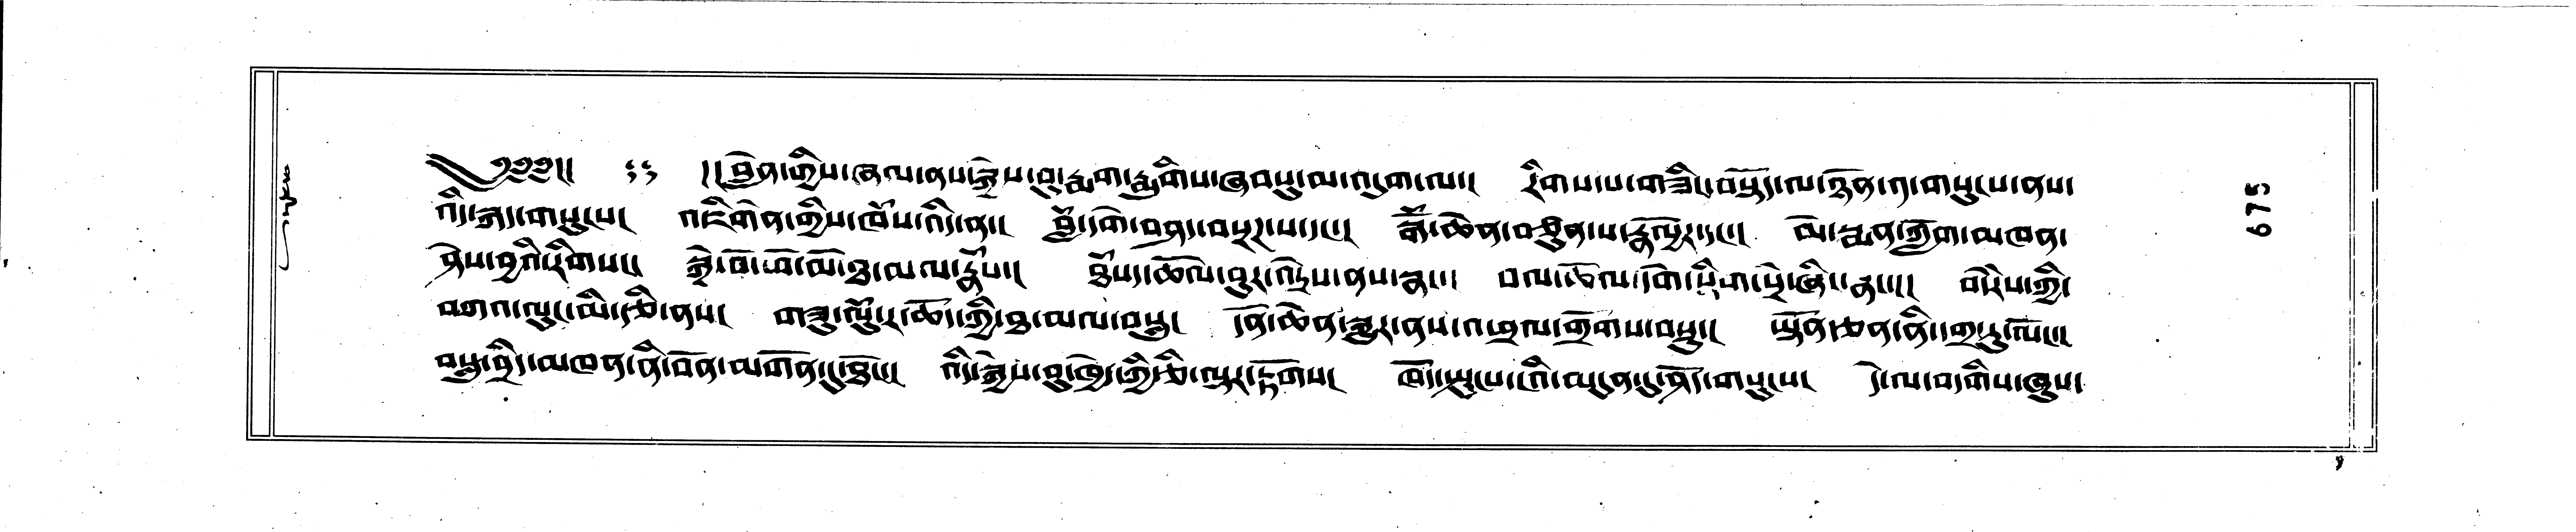བླ་ཆེན་ཞལ་ནས། སྐྱེས་བུ་རྨག་རྨུག་ཞབས་སུ་མ་འདུག་ལ། རིག་པ་གཟིང་བསྟོད་ལ་ཉོན་ཅིག་གསུངས་། 
དེ་ནས་འདི་སྐད་གསུངས། འཇིག་རྟེན་གྱི་ཁམས་འདི་ན། བླ་མ་དགེ་བཤེས་སྔགས་པ་དང་། སྒོམ་ཆེན་རྣལ་འབྱོར་བཙུན་པ་དང་། མོ་མ་ཀློགས་མཁན་
ཤེས་བྱའི་རིགས། སྐྱེ་བོ་ཕོ་མོ་ཐ་མལ་རྣམས། ཐམས་ཅད་ཆོལ་བུར་འདྲེས་ནས་སྣང་། བབ་ཆོལ་གྱི་དགེ་སྡིག་བསྲེ་ཞིང་སྣང་། བདེར་གཤེགས་ཀྱི་
བཀའ་ལུང་མི་རྩི་ནས། གཟུ་ལུམ་ར་ཆོད་ཀྱི་ཐ་མལ་བསླུ། དོན་ཆེད་བསྐྱུར་ནས་འཕྲལ་གྲོགས་བསླུ། ཡོན་ཏན་ཅན་ནི་དགྲ་རུ་མཐོང་། 
བསླུ་བྲིད་ཅན་ནི་མགོན་གནས་སུ་མཐོང་། འདི་སྐྱེས་བུ་ཁྱོད་ཀྱིས་ཅི་ལྟར་རྟོགས། ཁོད་སྤུངས་མདུན་དུ་ཤོད་གསུངས། དེ་ལ་འདི་སྐད་བདག་གིས་ཞུས།